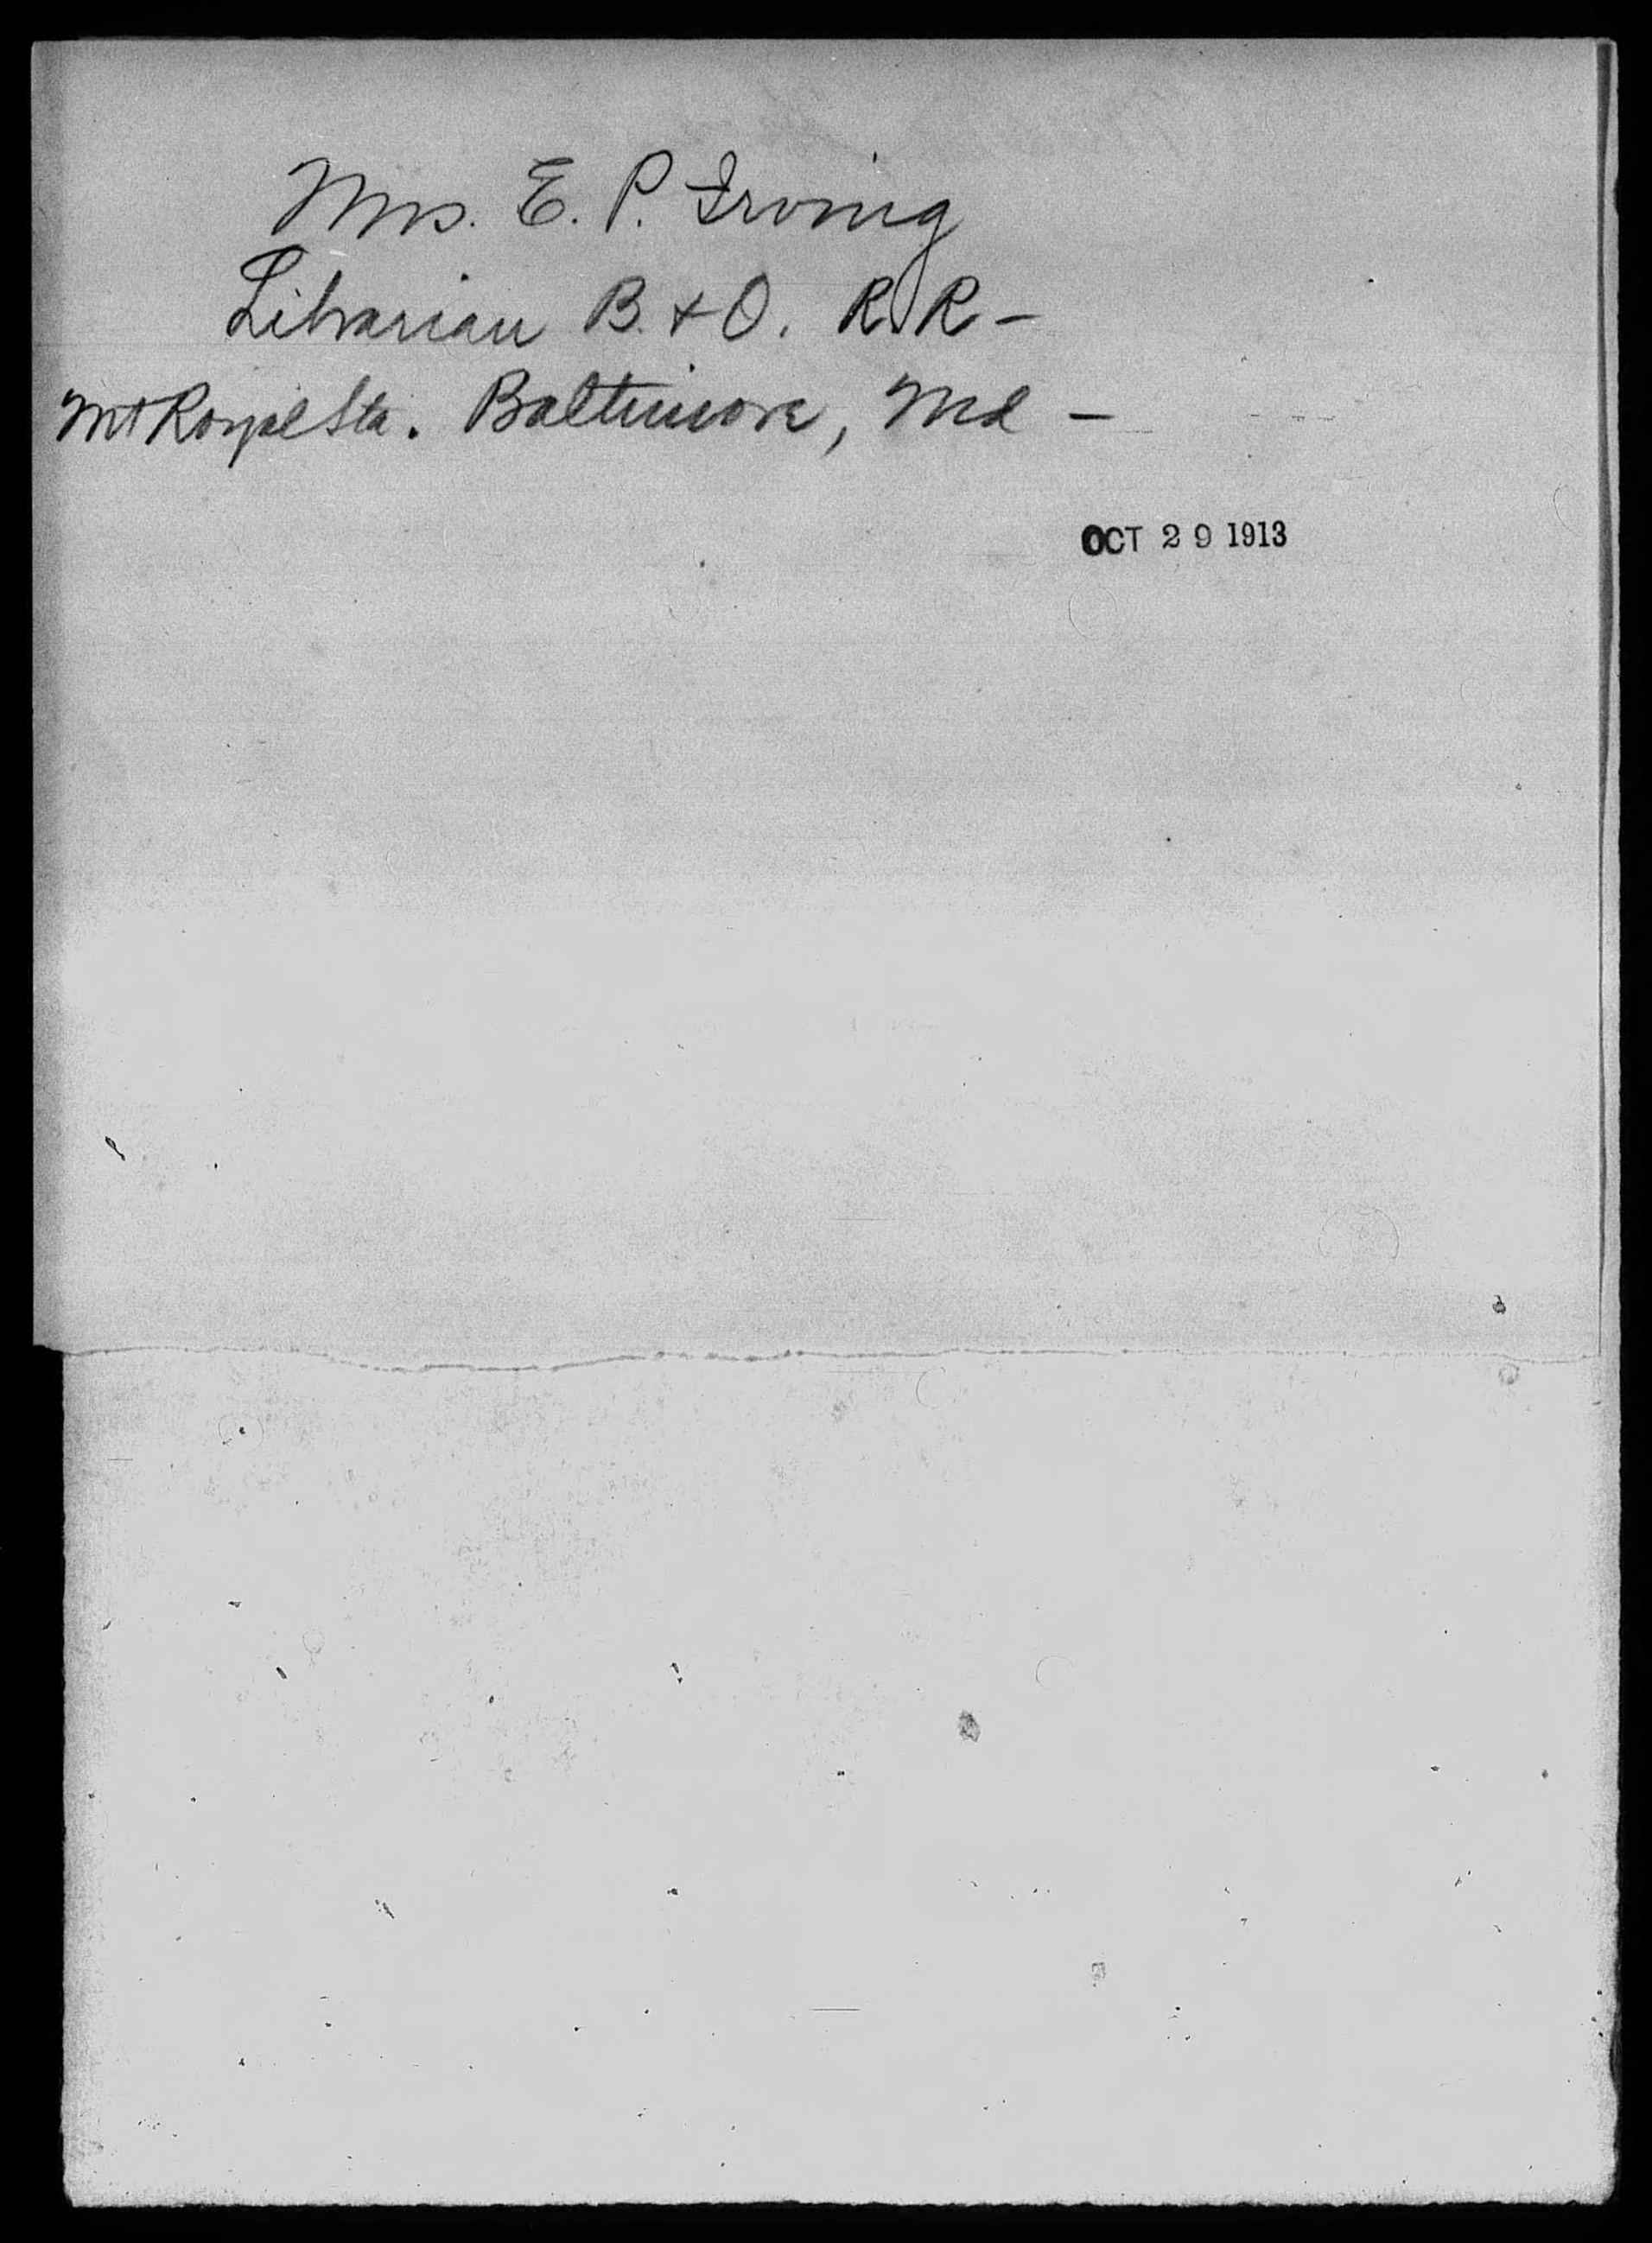Mrs. E. P. Irving
Librarian B + O RR - 
Mt Royal Sta. Baltimore, Md - 
[rubber stamp] OCT 29 1913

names: E P Irving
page: 9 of 15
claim: survivor's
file: S. 39677, John Hening, Continental (Penn.)